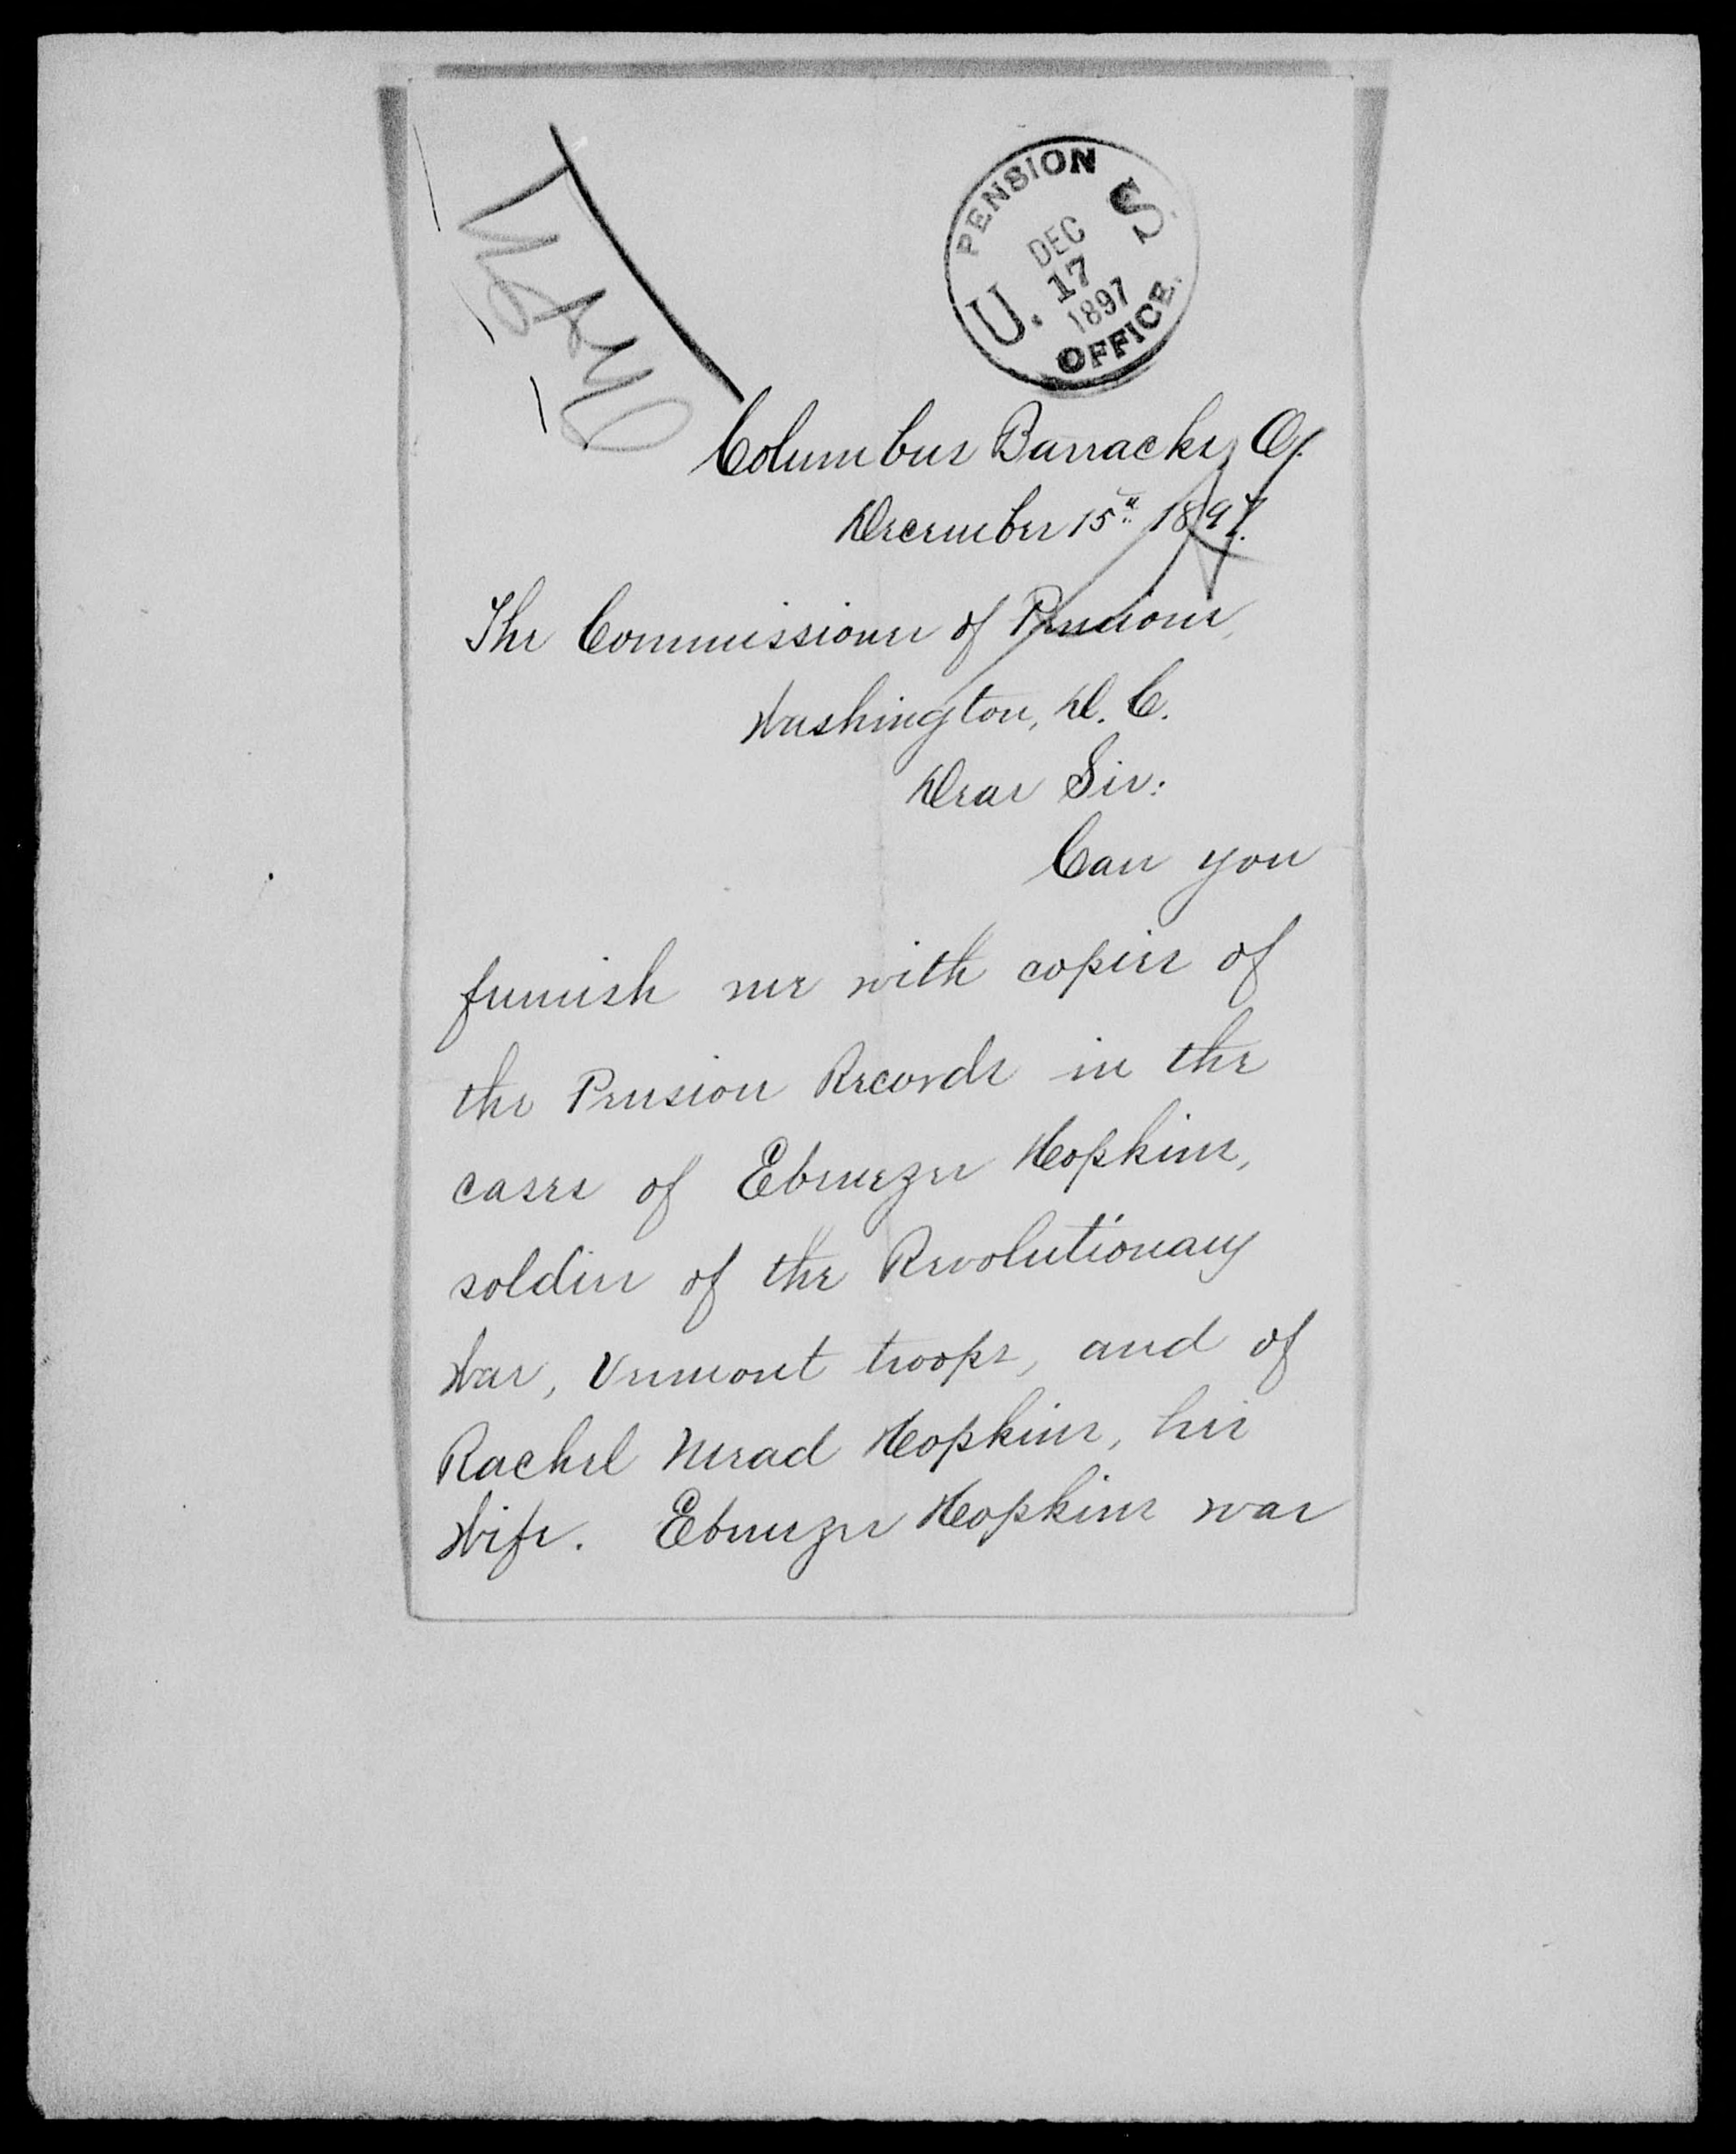Stamped:
PENSION 
U. DEC 17 1897 S.
OFFICE


Columbus Barracky O.
December 15th 1897
The Commissioner of Pensions
Washington, D.C.

Dear Sir:
Can you furnish me with copies of the Pension Records in the case of Ebenezer Hopkins soldier of the Revolutionary War, Vermont troops, and of Rachel Mead Hopkins, his wife. Ebenezer Hopkins was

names: Ebenezer Hopkins, Rachel Mead Hopkins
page: 136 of 144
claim: rejected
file: R. 5208, Dennis Hopkins, N.C.